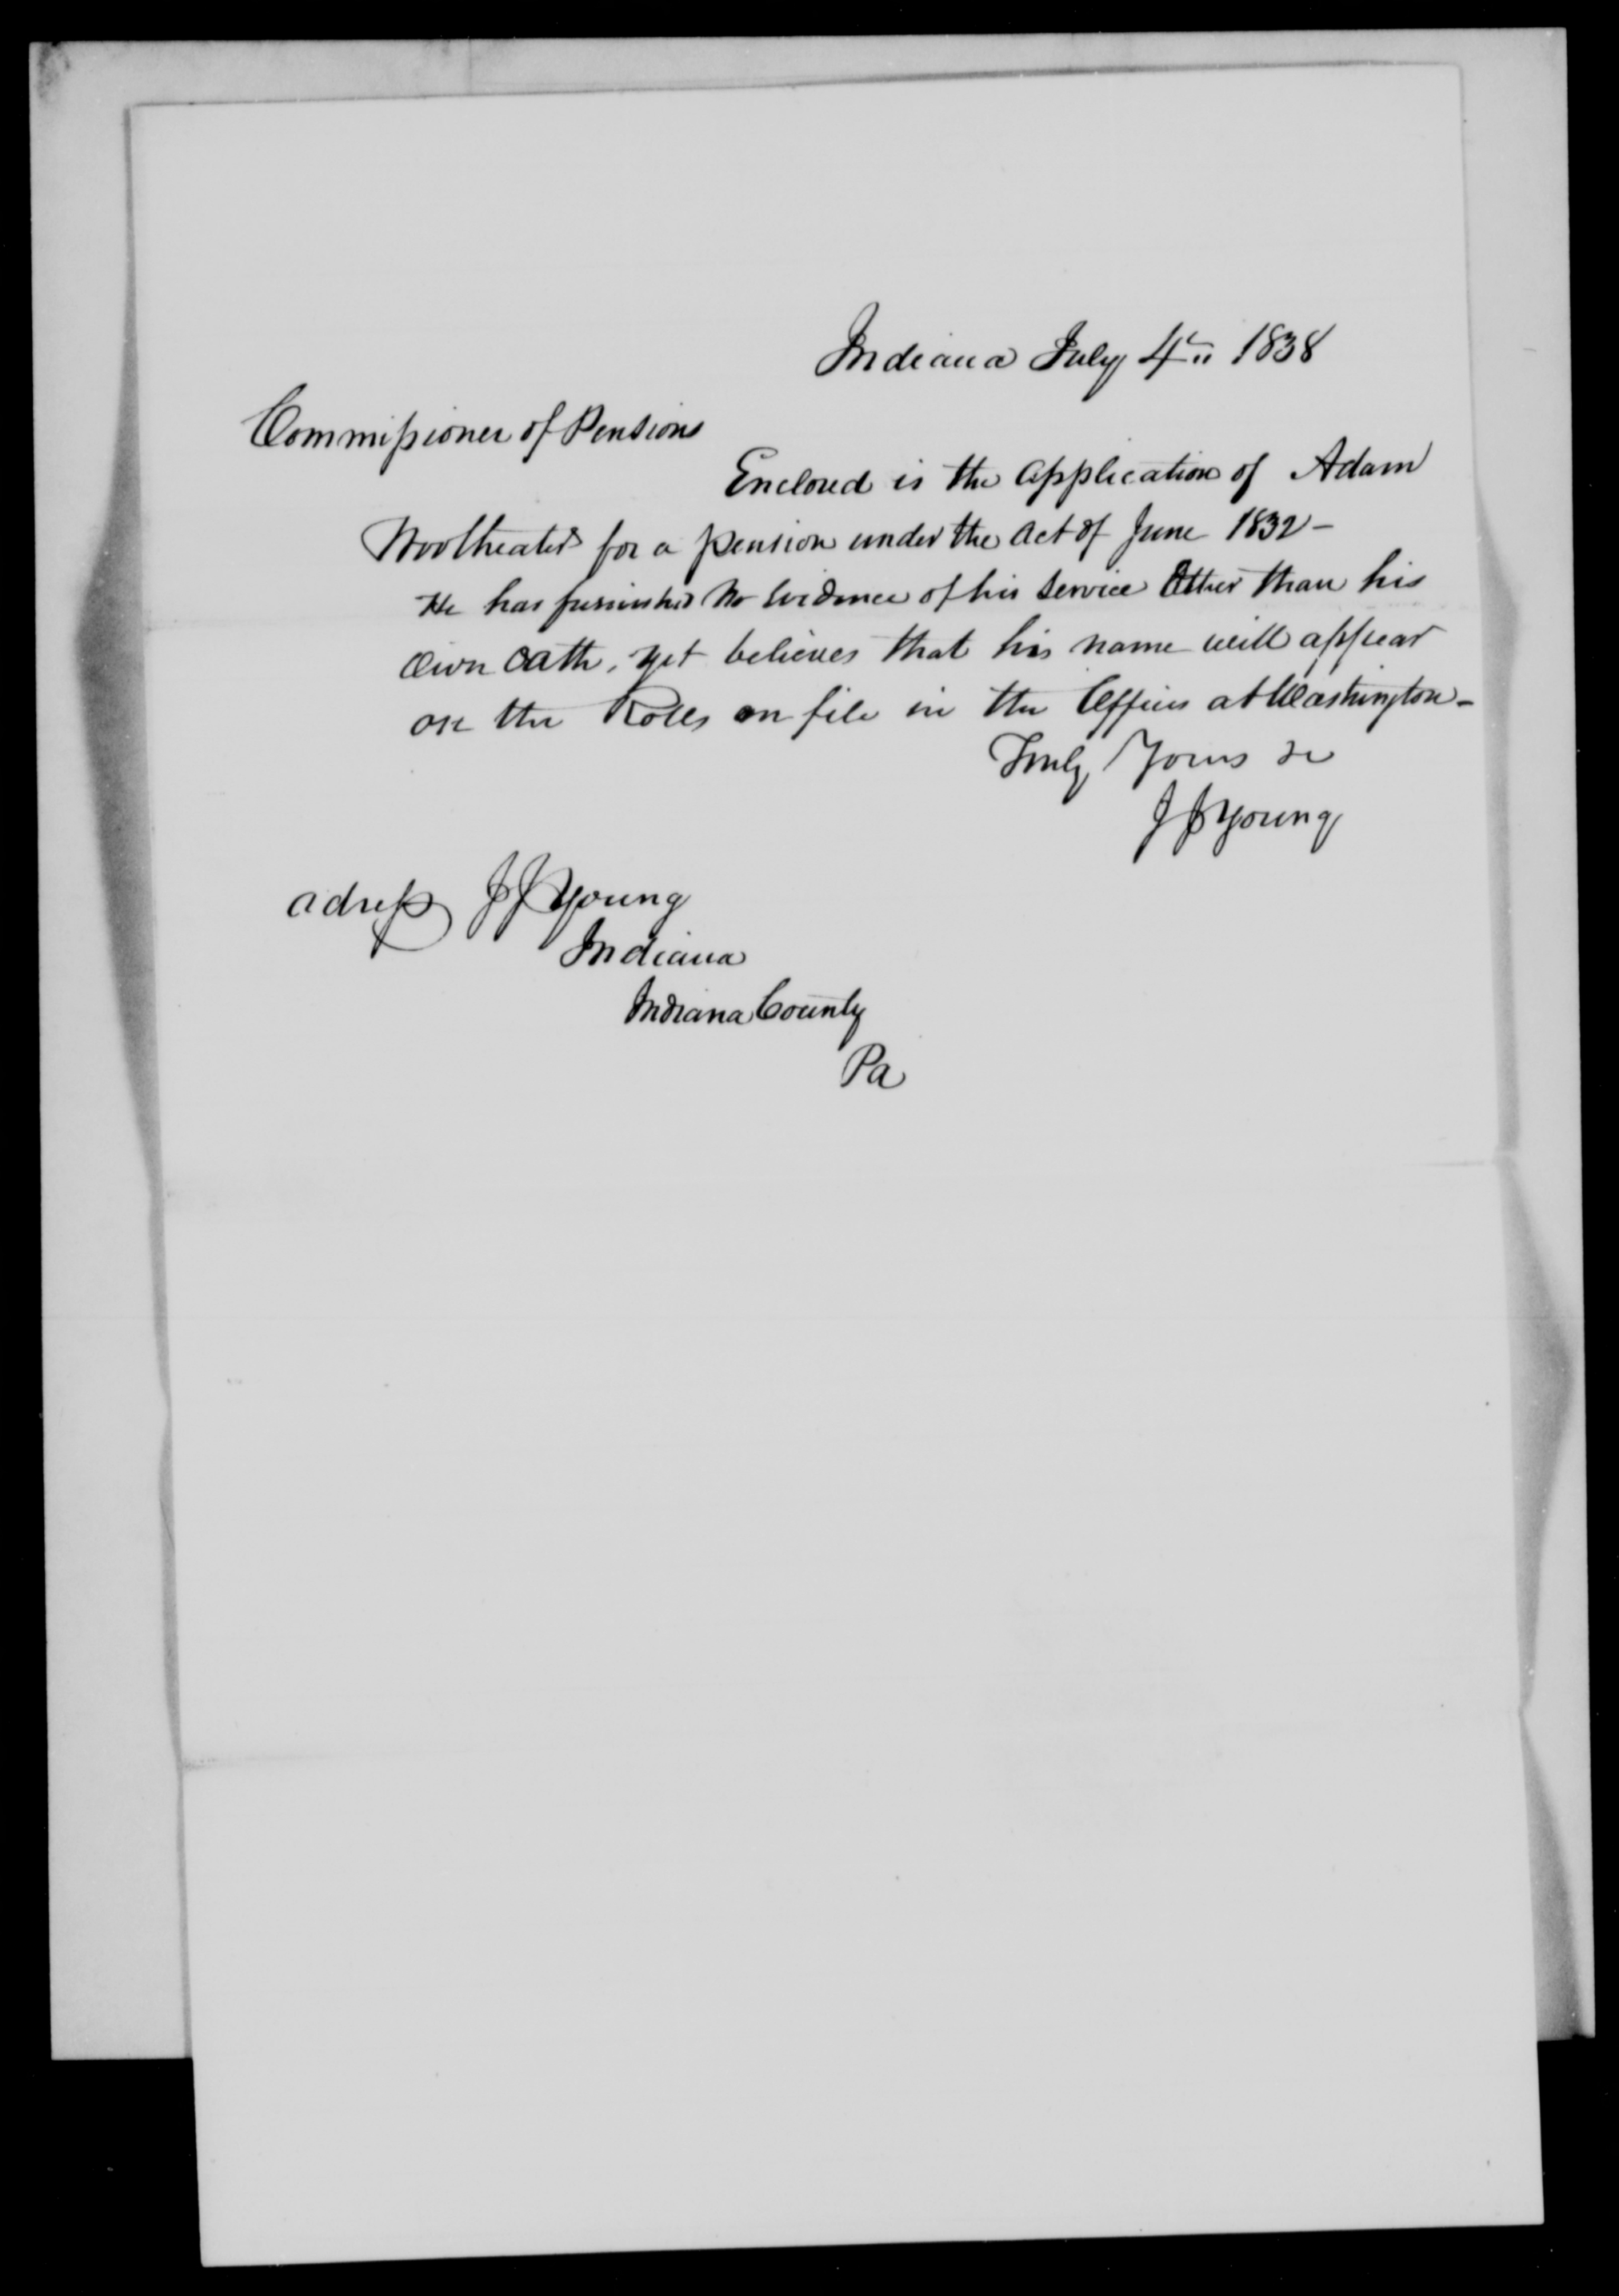Indiana July 4th 1838
Commissioner of Pensions

Enclosed is the application of Adam
Woolheater for a pension under the act of June 1832-
He has furnished no evidence of his service other than his own oath, yet believes that his name will appear on the Rolls on file in the Office at Washington
Truly Yours &c
J J Young

address J J  Young
Indiana
Indiana County, Pa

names: J J Young, Adam Woolheater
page: 18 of 18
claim: rejected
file: R. 11854, Adam Woolheater, Md.